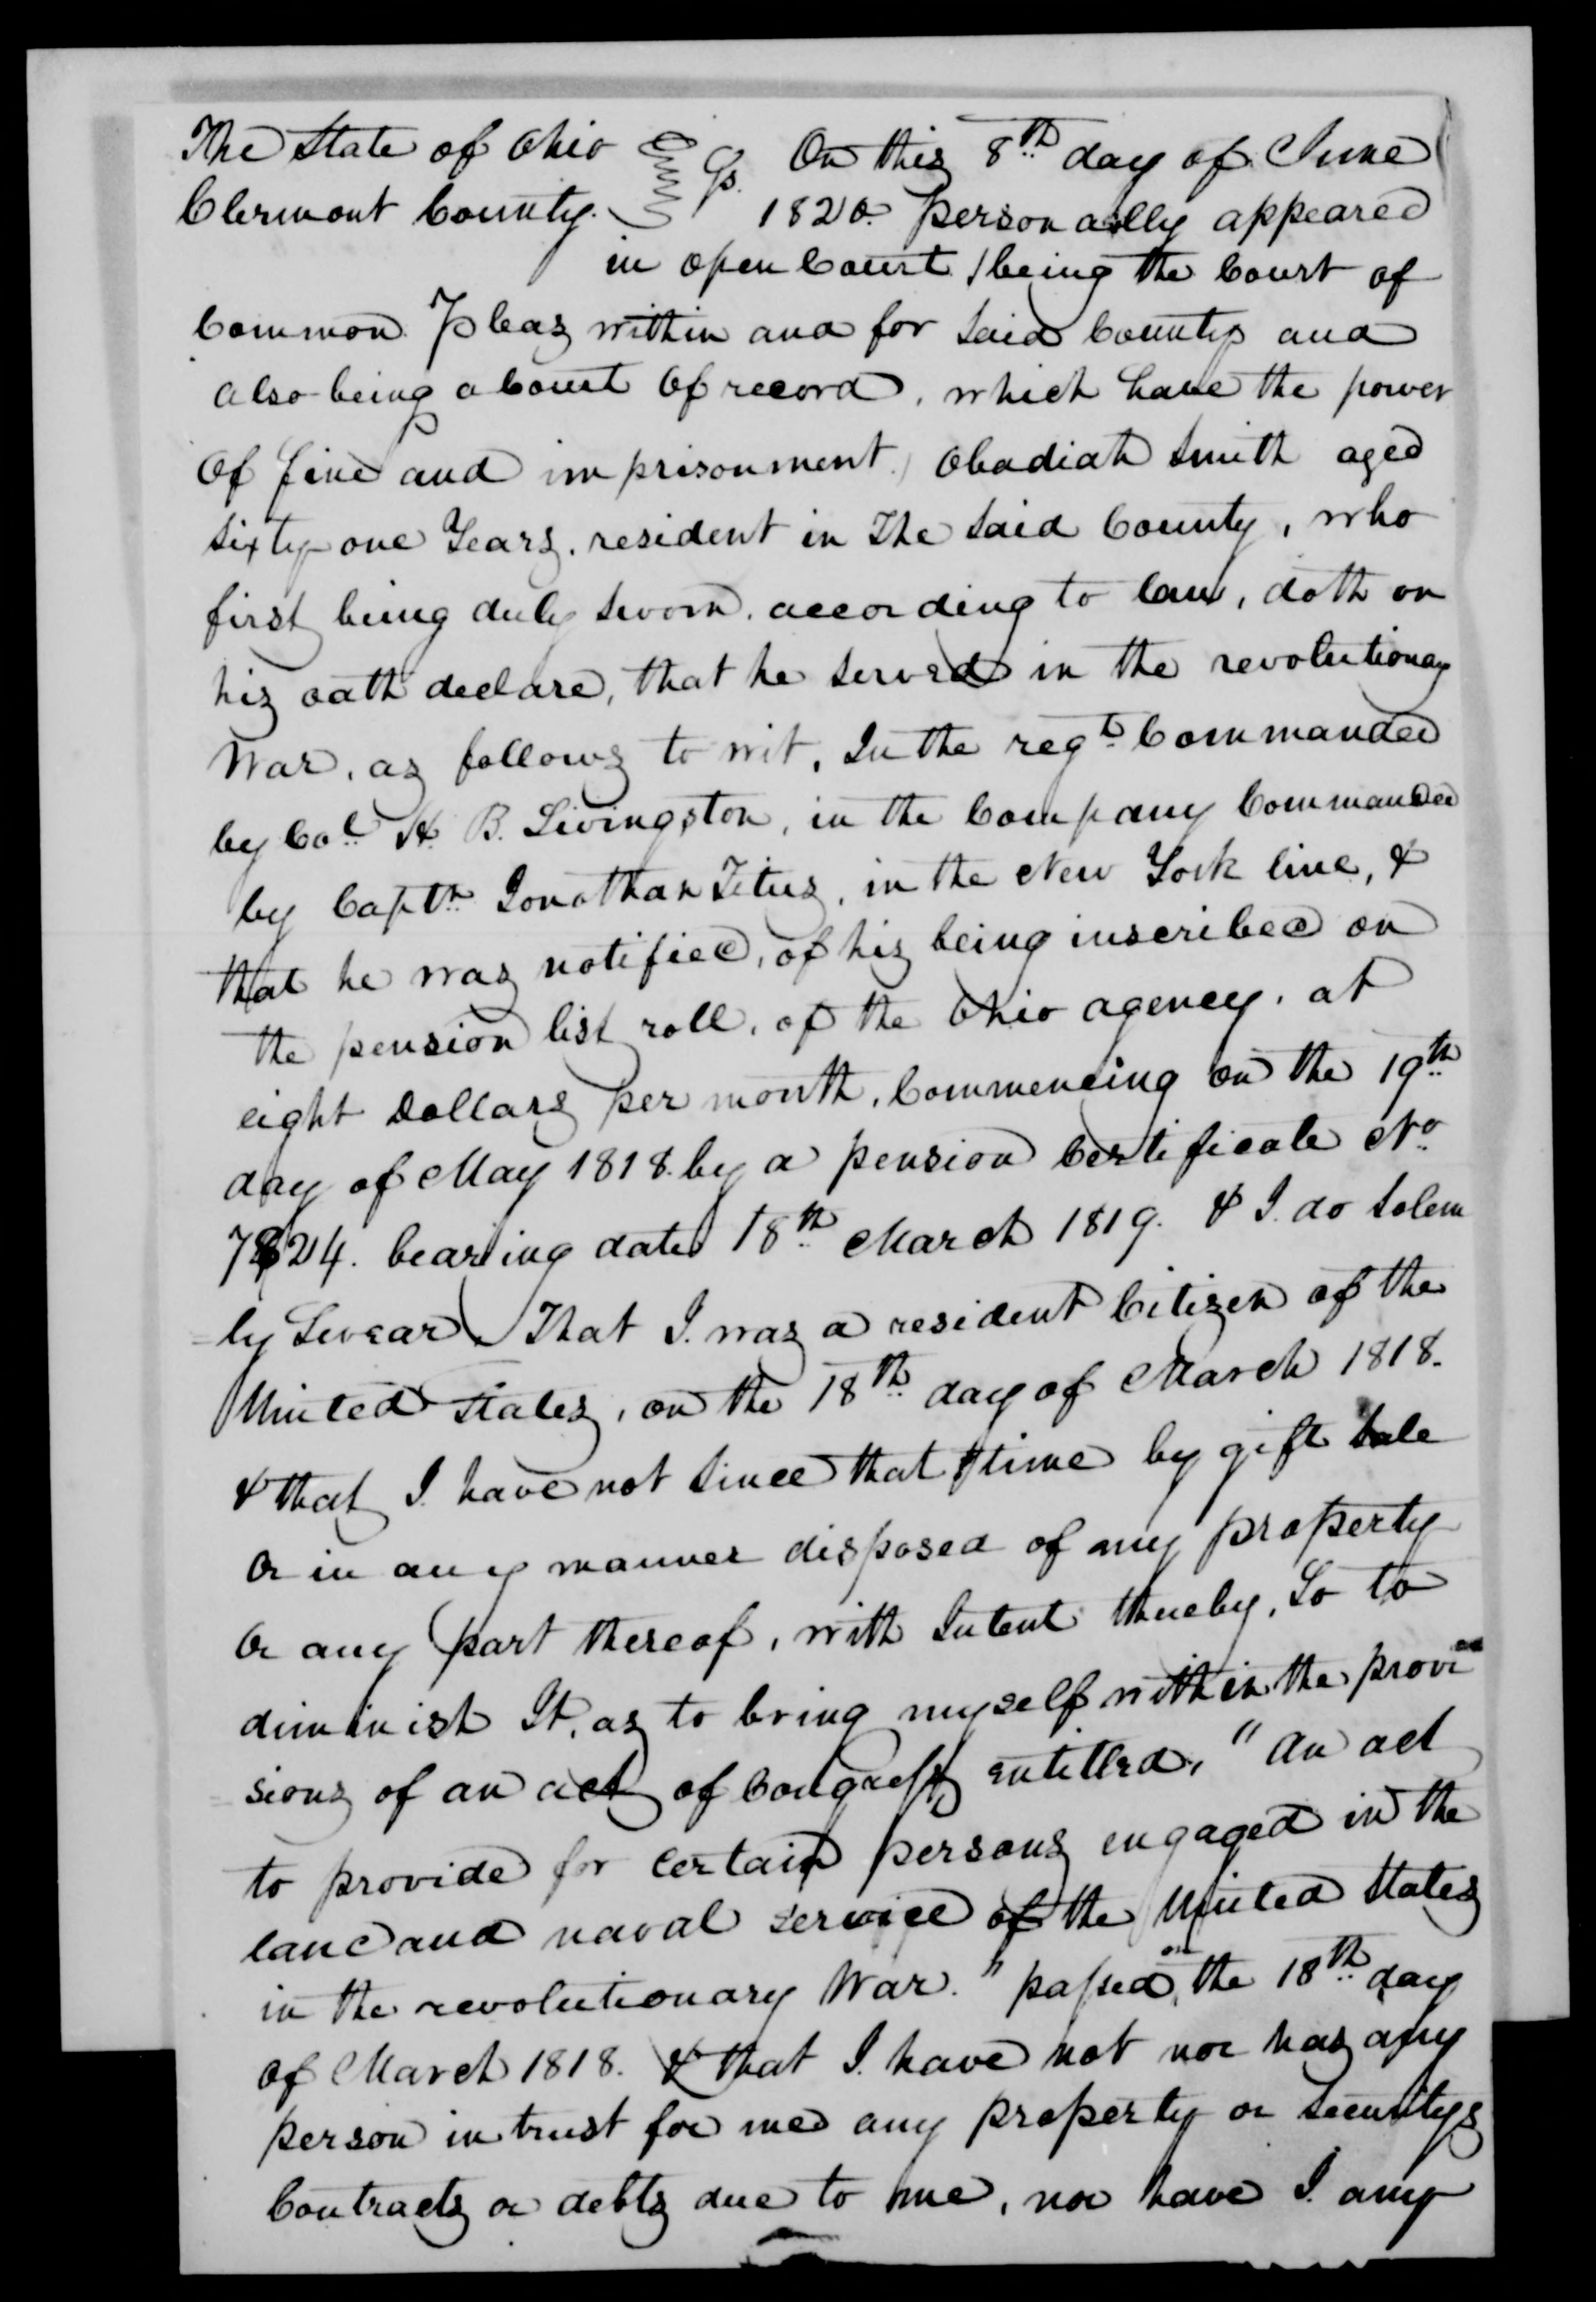The State of Ohio Clermont County. } Ss. On this 8th day of June 1820 personally appeared in open Court / being the Court of Common Pleas within and for Said County and also being a Court of record which have the power of fine and imprisonment Obadiah Smith aged Sixty one Years. resident in The Said County, who first being duly Sworn according to law, doth on his oath declare, that he served in the revolutionary War as follows to wit. In the regt. Commanded by Col. H. B. Livingston, in the Company Commanded by Capt. Jonathan Titus, in the New York line, & that he was notified of his being inscribed on the pension list roll of the Ohio agency at eight dollars per month, Commencing on the 19th day of May 1818 by a pension Certificate No. 7824 bearing date 18th March 1819 & I do solemnly swear That I was a resident Citizen of the United States on the 18th day of March 1818 & that I have not since that time by gift sale or in any manner disposed of my property or any part thereof, with Intent thereby so to diminish It as to bring myself within the provisions of an act of Congress entitled, "An act to provide for certain persons engaged in the land and naval service of the United States in the revolutionary War" passed on the 18th day of March 1818 & that I have not nor has any person in trust for me any property or Securitys Contracts or debts due to me, nor have I any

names: Obadiah Smith; H B Livingston; Jonathan Titus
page: 4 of 66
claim: survivor's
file: S 40458, for Obadiah Smith, New York